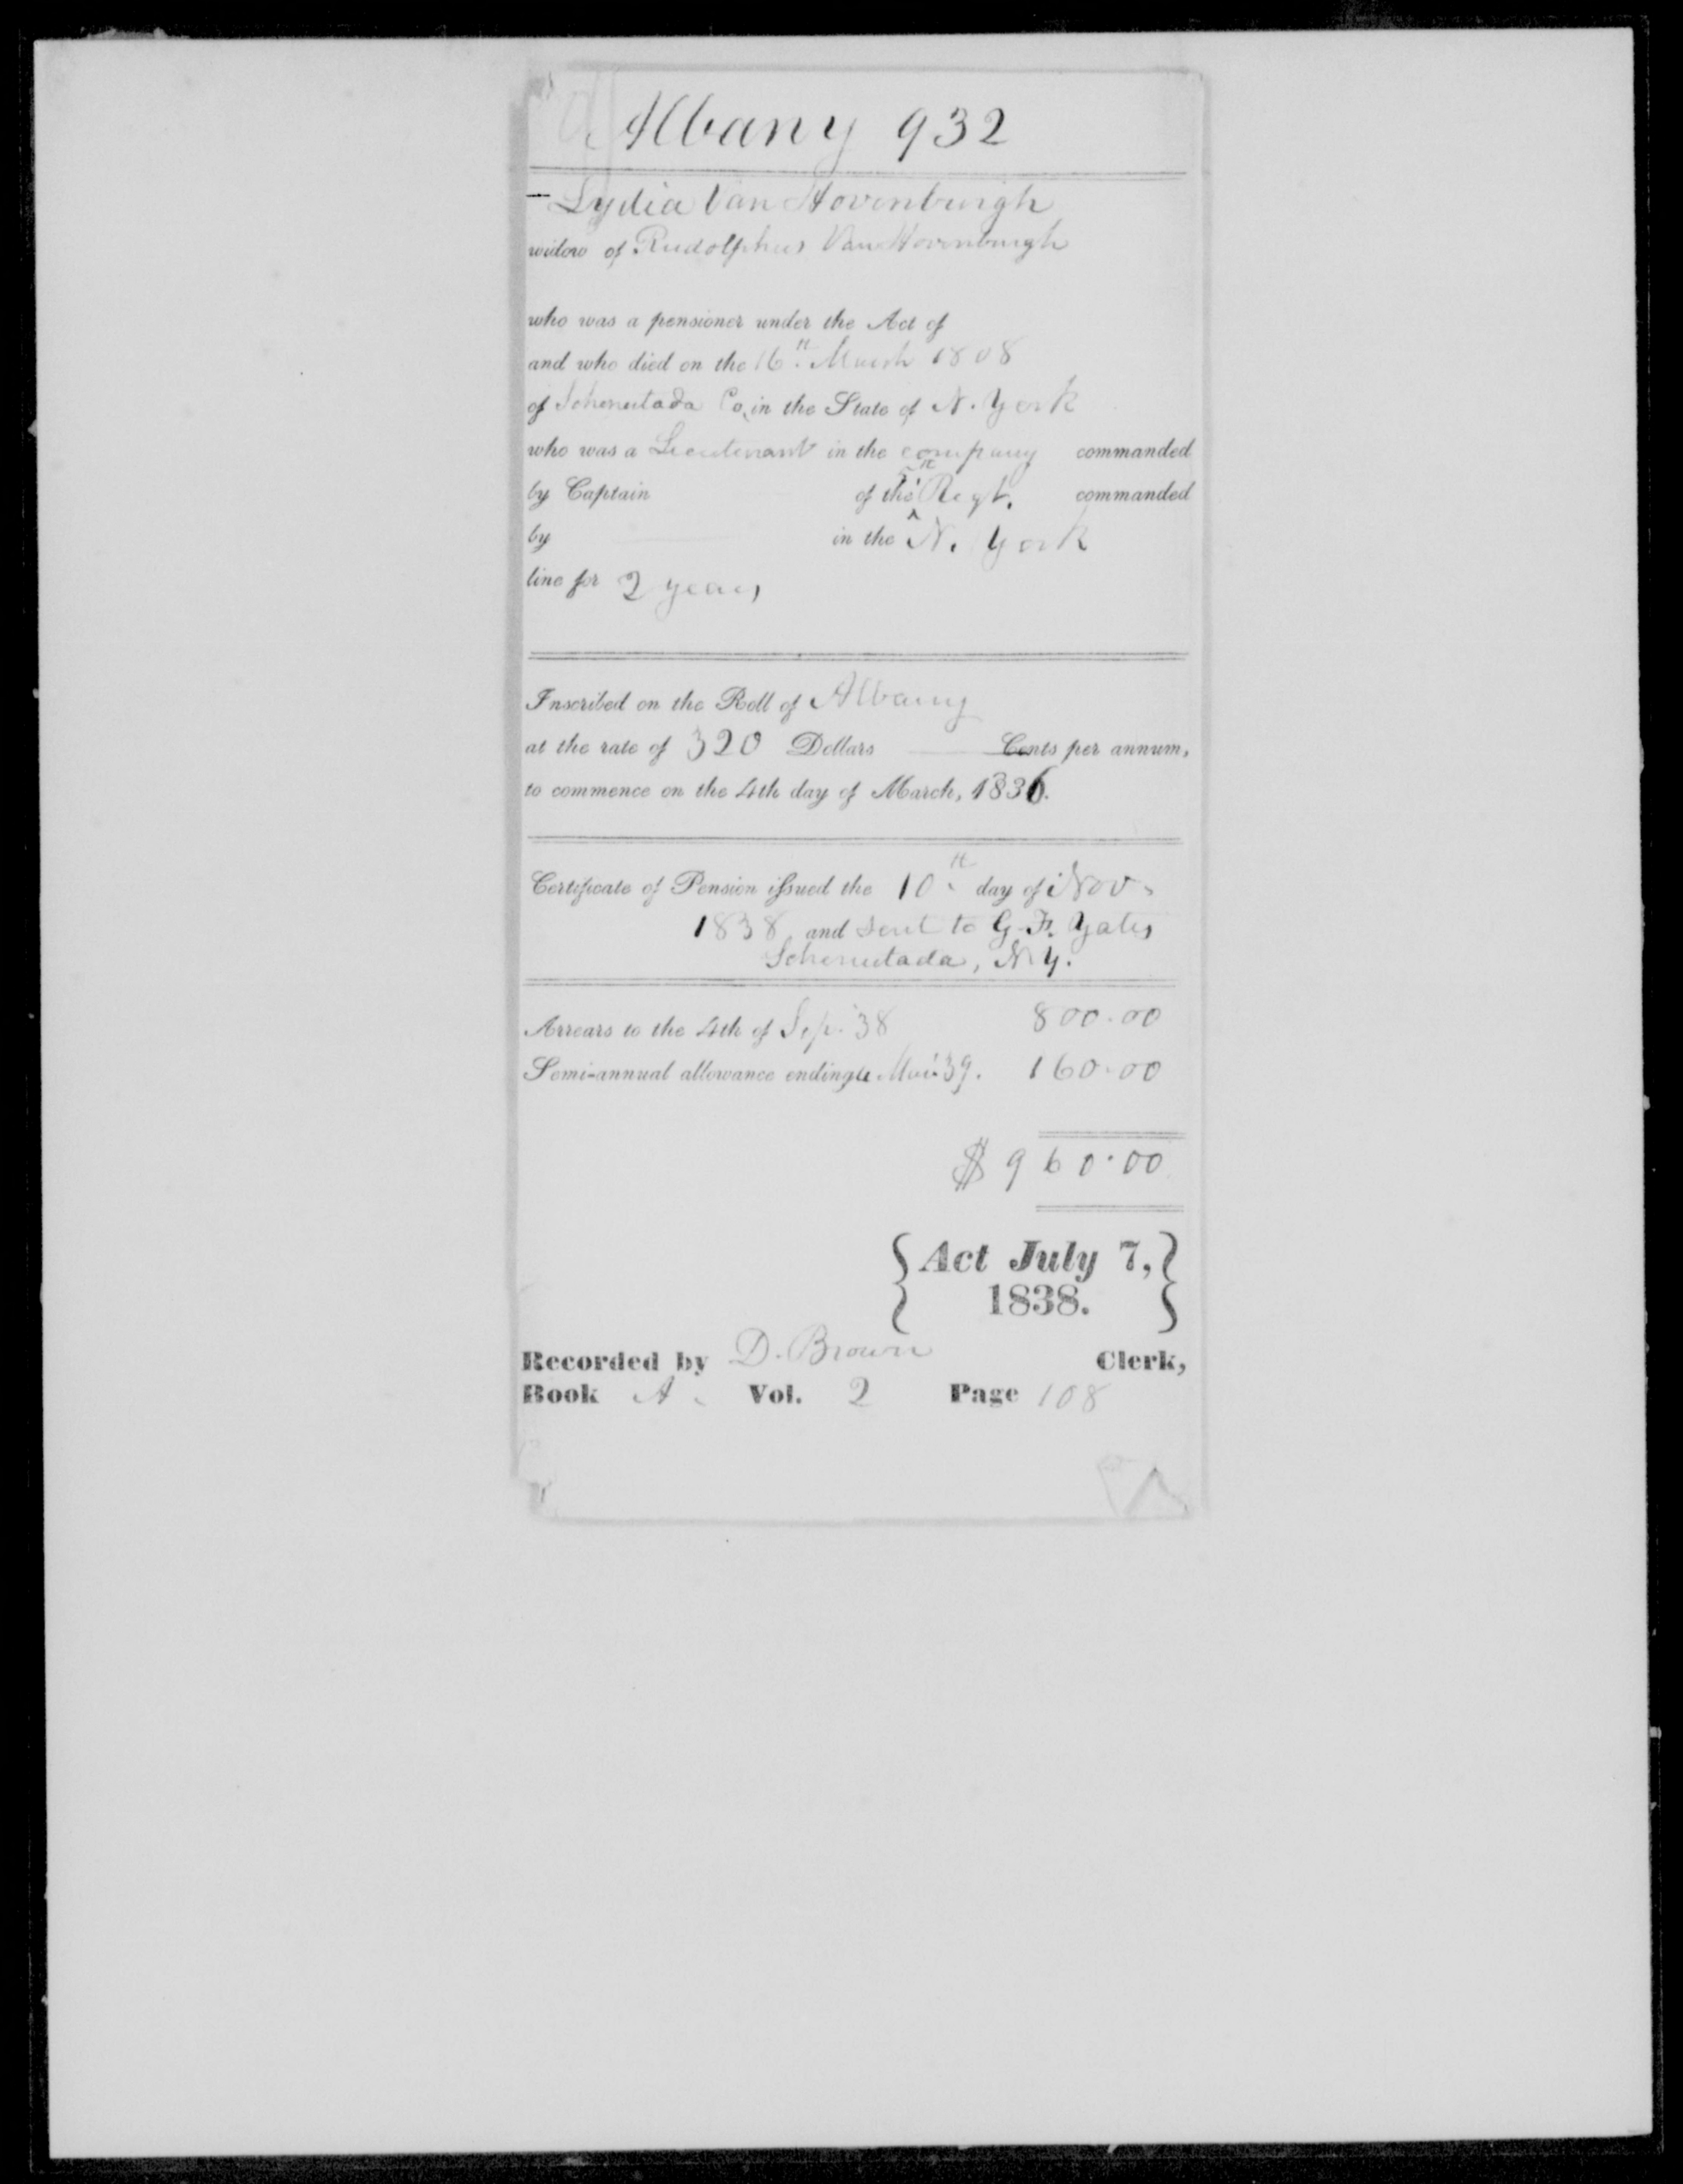Albany 932
Lydia Van Hovenburgh
widow of Rudolphus Van Hovenburgh
who was a pensioner under the Act of
and who died on the 16th March 1808
of Schenectada Co. in the State of N. York
who was a Lieutenant in the company commanded
by Captain
of the ^4th Regt. commanded
in the N. York
line for 2 years
-
Inscribed on the Roll of Albany
at the rate of 320 Dollars - Cents per annum,
to commence on the 4th day of March,1836.
Certificate of Pension issued the 10th day of Nov
1838 and sent to G. F. Yates
Schenectada, NY.
Arrears to the 4th of Sep. '38                   800.00
Semi-annual allowance ending Nov'39.  160.00
                                                                $960.00
{Act July 7, 1838.}
Recorded by D. Brown Clerk,
Book A Vol. 2 Page 108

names: Lydia Van Hovenburgh, D Brown, G F Yates, Rudolphus Van Hovenburgh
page: 19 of 38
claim: widow's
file: W. 23324, Rudolphus Van Hoevenbergh, New York